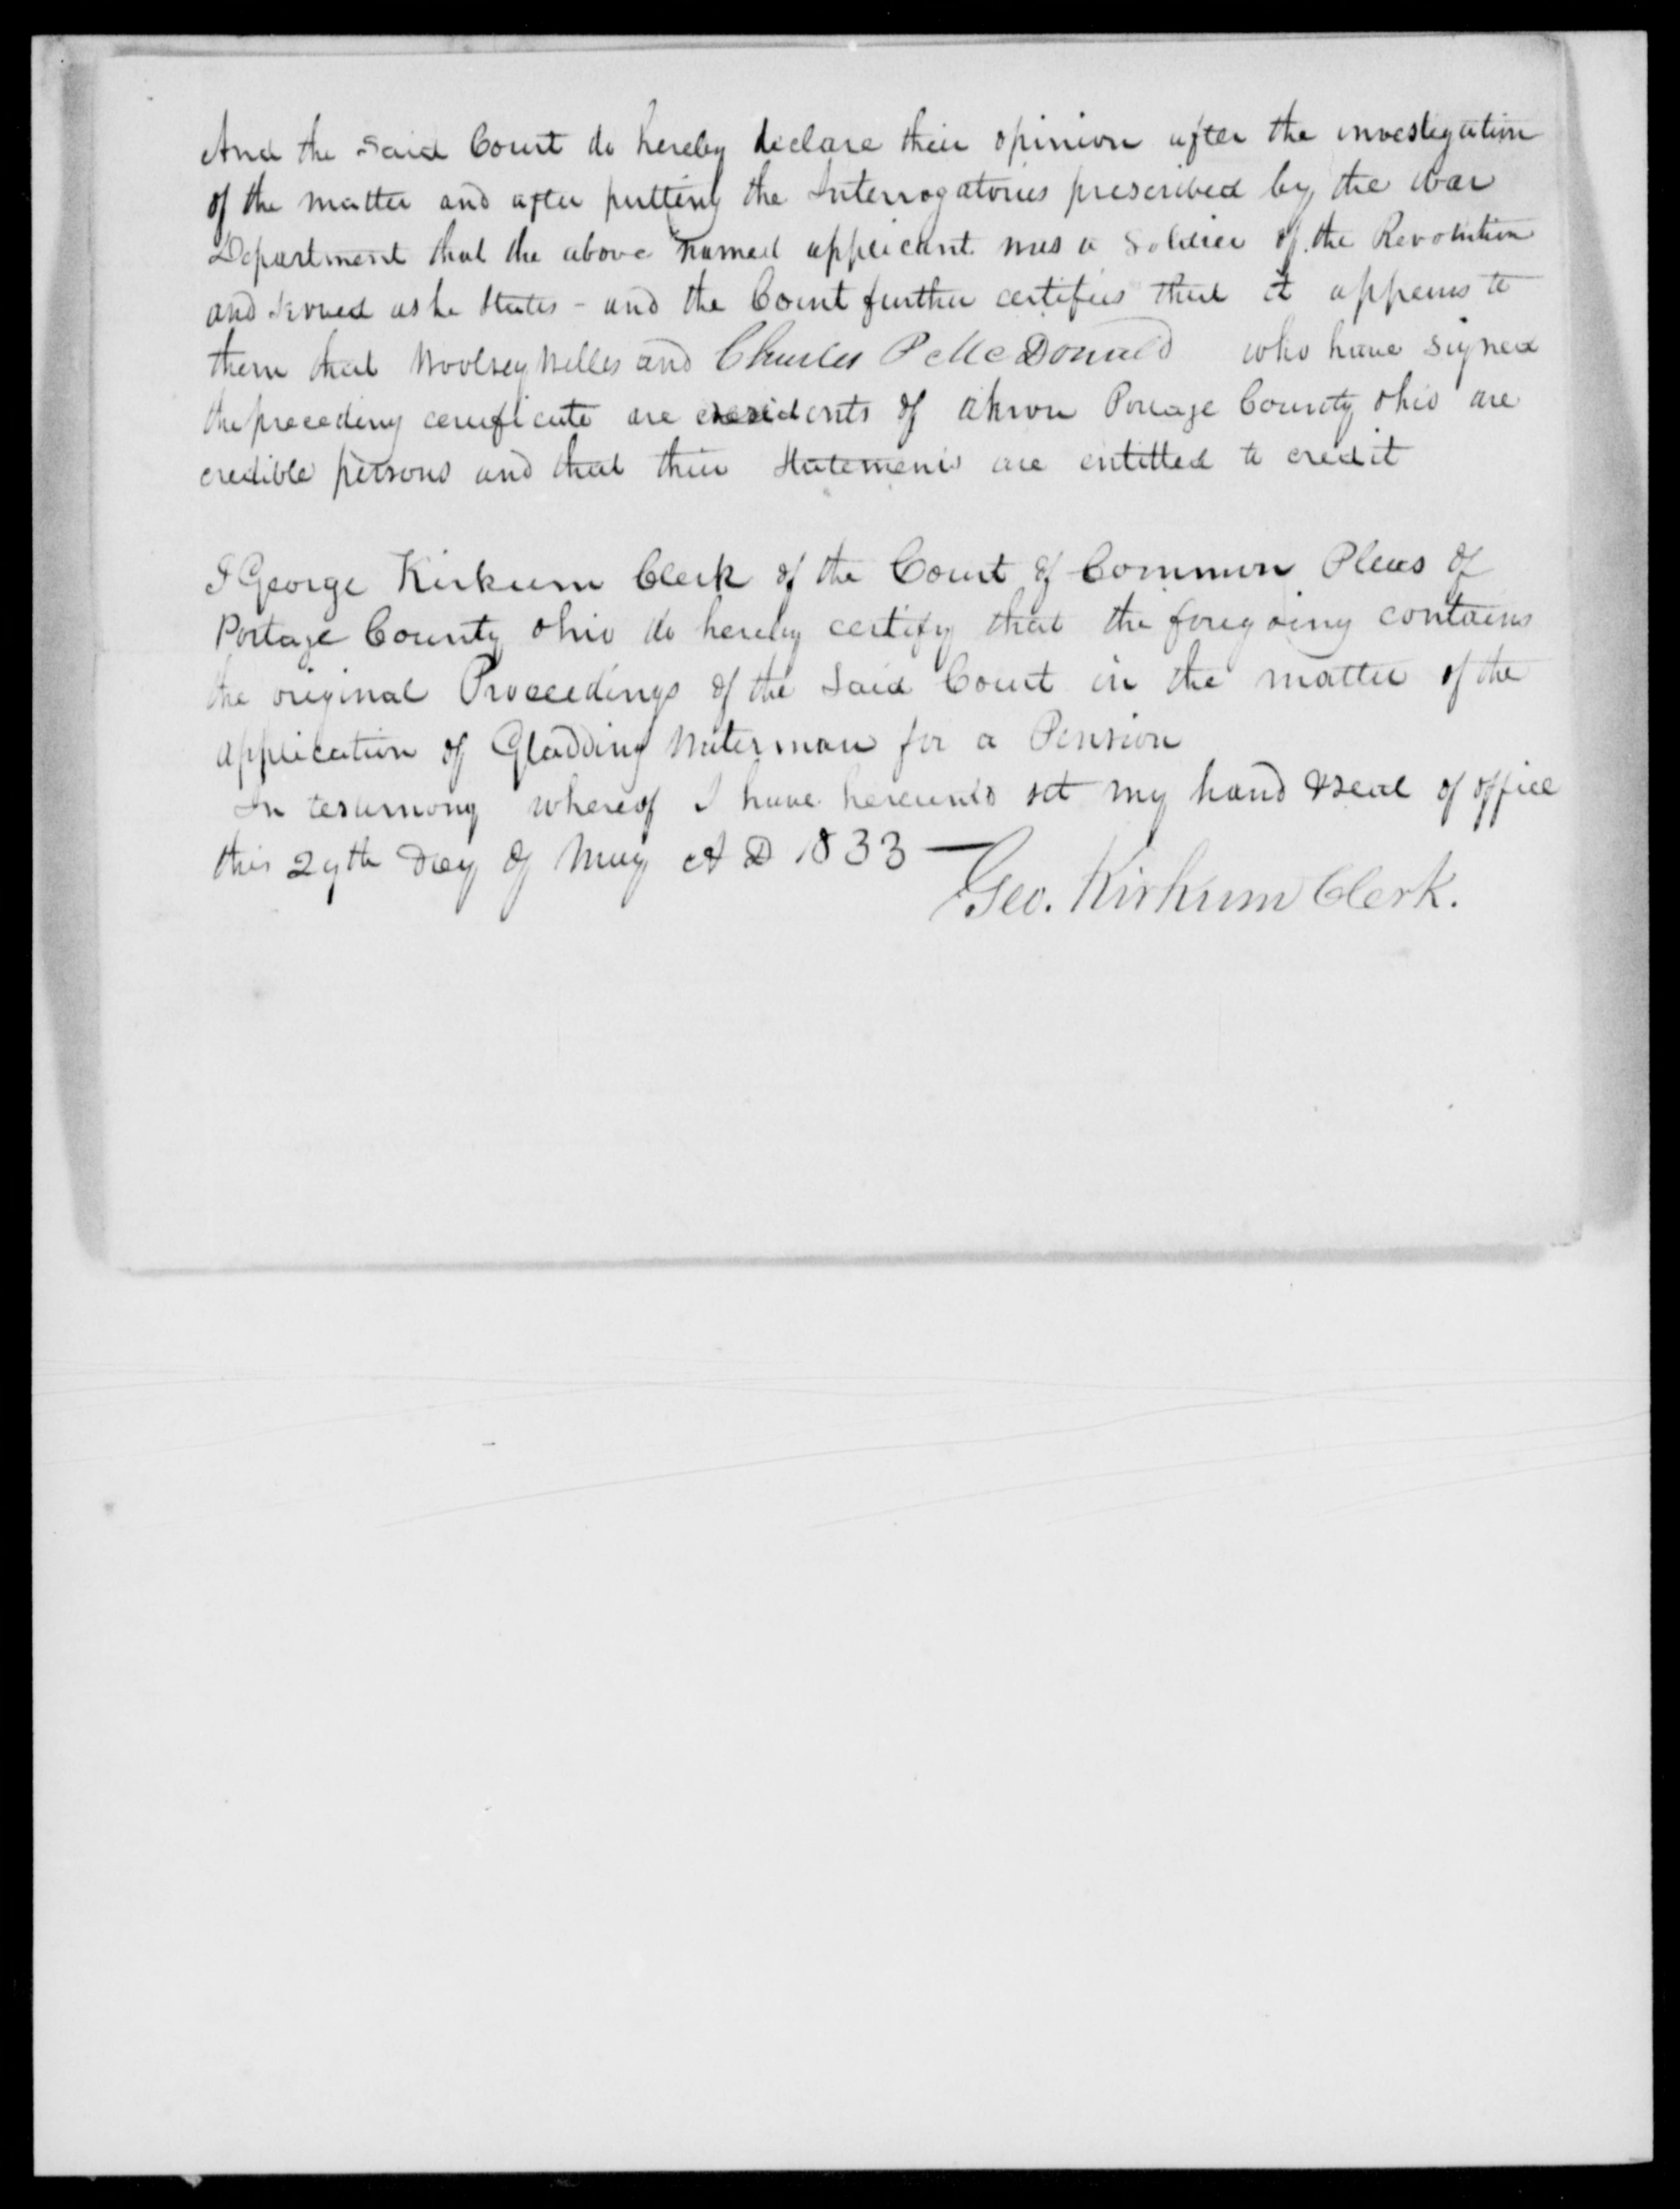And the said Court do hereby declare their opinion after the investigation of the matter and after putting the Interrogatories prescribed by the war Department that the above named applicant was a soldier of the Revolution and served as he states and the County further certifies that it appears to them that Woolsey Welles and Charles P McDonald, who have signed the preceding certificate are residents of Akron, Portage County, Ohio, are credible persons and that their statements are entitled to credit.

I, George Kirkum, Clerk of the Court of Common Pleas of Portage County, Ohio, do hereby certify that the foregoing contains the original Proceedings of the said Court in the matter of the application of Gladding Waterman for a pension.
In testimony whereof I have hereunto set my hand & seal this 29th day of May 1833.

Geo. Kirkum   Clerk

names: Charles P Mc Donald, George Kirkum, Gladding Waterman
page: 8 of 50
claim: widow's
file: W. 15814, Glading Waterman, Conn. Conn. Sea Service Continental